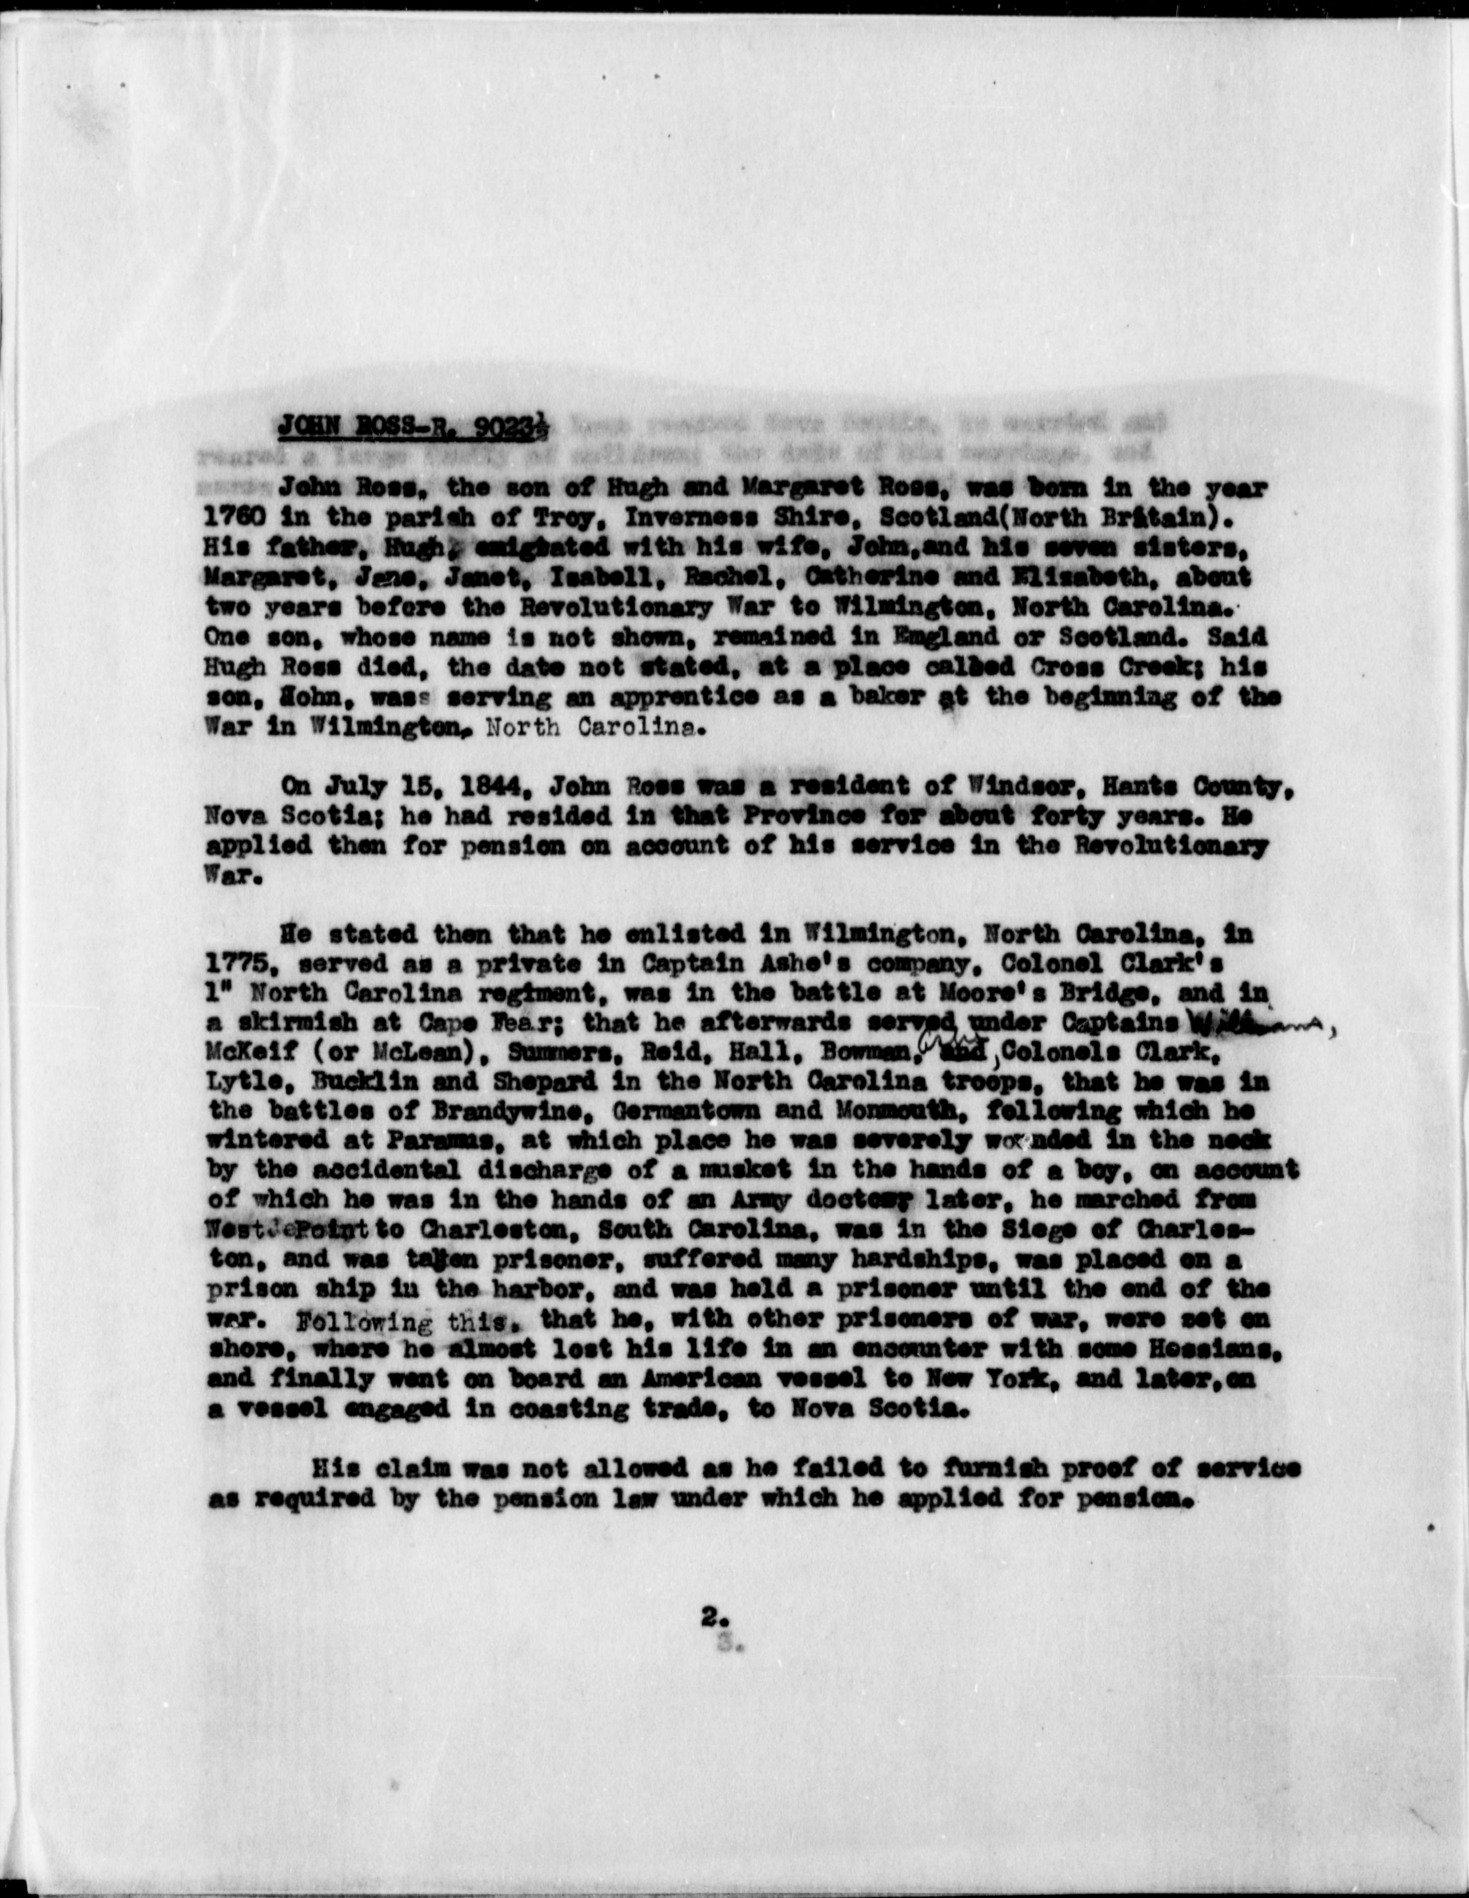John Ross-R. 90231/2

John Ross, the son of Hugh and Margaret Ross, was born in the year1760 in the parish of Troy, Inverness Shire, Scotland (North Britain.)
His father, Hugh migrated with his wife, John, and his seven sisters,
Margaret, Jane, Janet, Isabell, Rachel, Catherine
and Elizabeth, about
two years before the Revolutionary War to Wilmington, North Carolina.
One son, whose name is not shown, remained in England or Scotland. Said
Hugh Ross died, the date not stated, at a place called Cross Creek; his
son, John, was serving an apprentice as a baker at the beginning of the
War in Wilmington, North Carolina.

On July 15, 1844, John Ross was a resident of Windsor, Hants County,
Nova Scotia; he had resided in that Province
for about forty years. He
applied then for pension on account of his service in the Revolution
War.
He stated then that he enlisted in Wilmington, North Carolina, in
1775, served as a private in Captain Ashe's company, Colonel Clark's
1 North Carolina regiment, was in the battle at Moore's Bridge, and
in a
skirmish at Cape Fear; that he afterwards served under a Captains William,
McKeif (or McLean), Summers, Reid, Hall, Bowman, Arby, and Colonels Clark,
Lytle, Bucklin and Shepard in the North Carolina troops, that he was in
the battles of Brandywine, Germantown and Monmouth, following which he
wintered at Paramus, at which place he was severely wounded in the neck
by the accidental discharge of a musket in the hands of a boy, on account
of which he was in the hands of an Army doctors later, he marched from
West Point to Charleston, South Carolina, was in the Siege of Charleston, and was taken prisoner, suffered many hardships, was placed on a
prison ship in the harbor, and was held a prisoner until the end of the
war. Following this, that he, with other prisoners of war, were set on
shore, where he almost lost his life in an encounter with some Hessians,
and finally went on board an American vessel to New York, and later, on
a vessel engaged in coasting trade, to Nova Scotia.
His claim was not allowed as he failed to furnish proof of service
as required by the pension law under which he applied for pension.
2.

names: Summers, Hugh Ross, Hugh, Catherine, Bucklin, Elizabeth, Reid, John, Shepard, Margaret Ross, John Ross, Margaret, Rachel, Clark, Bowman, John, Hall, Hugh Ross, John Ross, Artis, Janet, Jane, Mc Lean, Isabell, Lytle, Mc Keif, Williams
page: 34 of 35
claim: survivor's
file: S. 32089, John Abbott, Continental N. C.